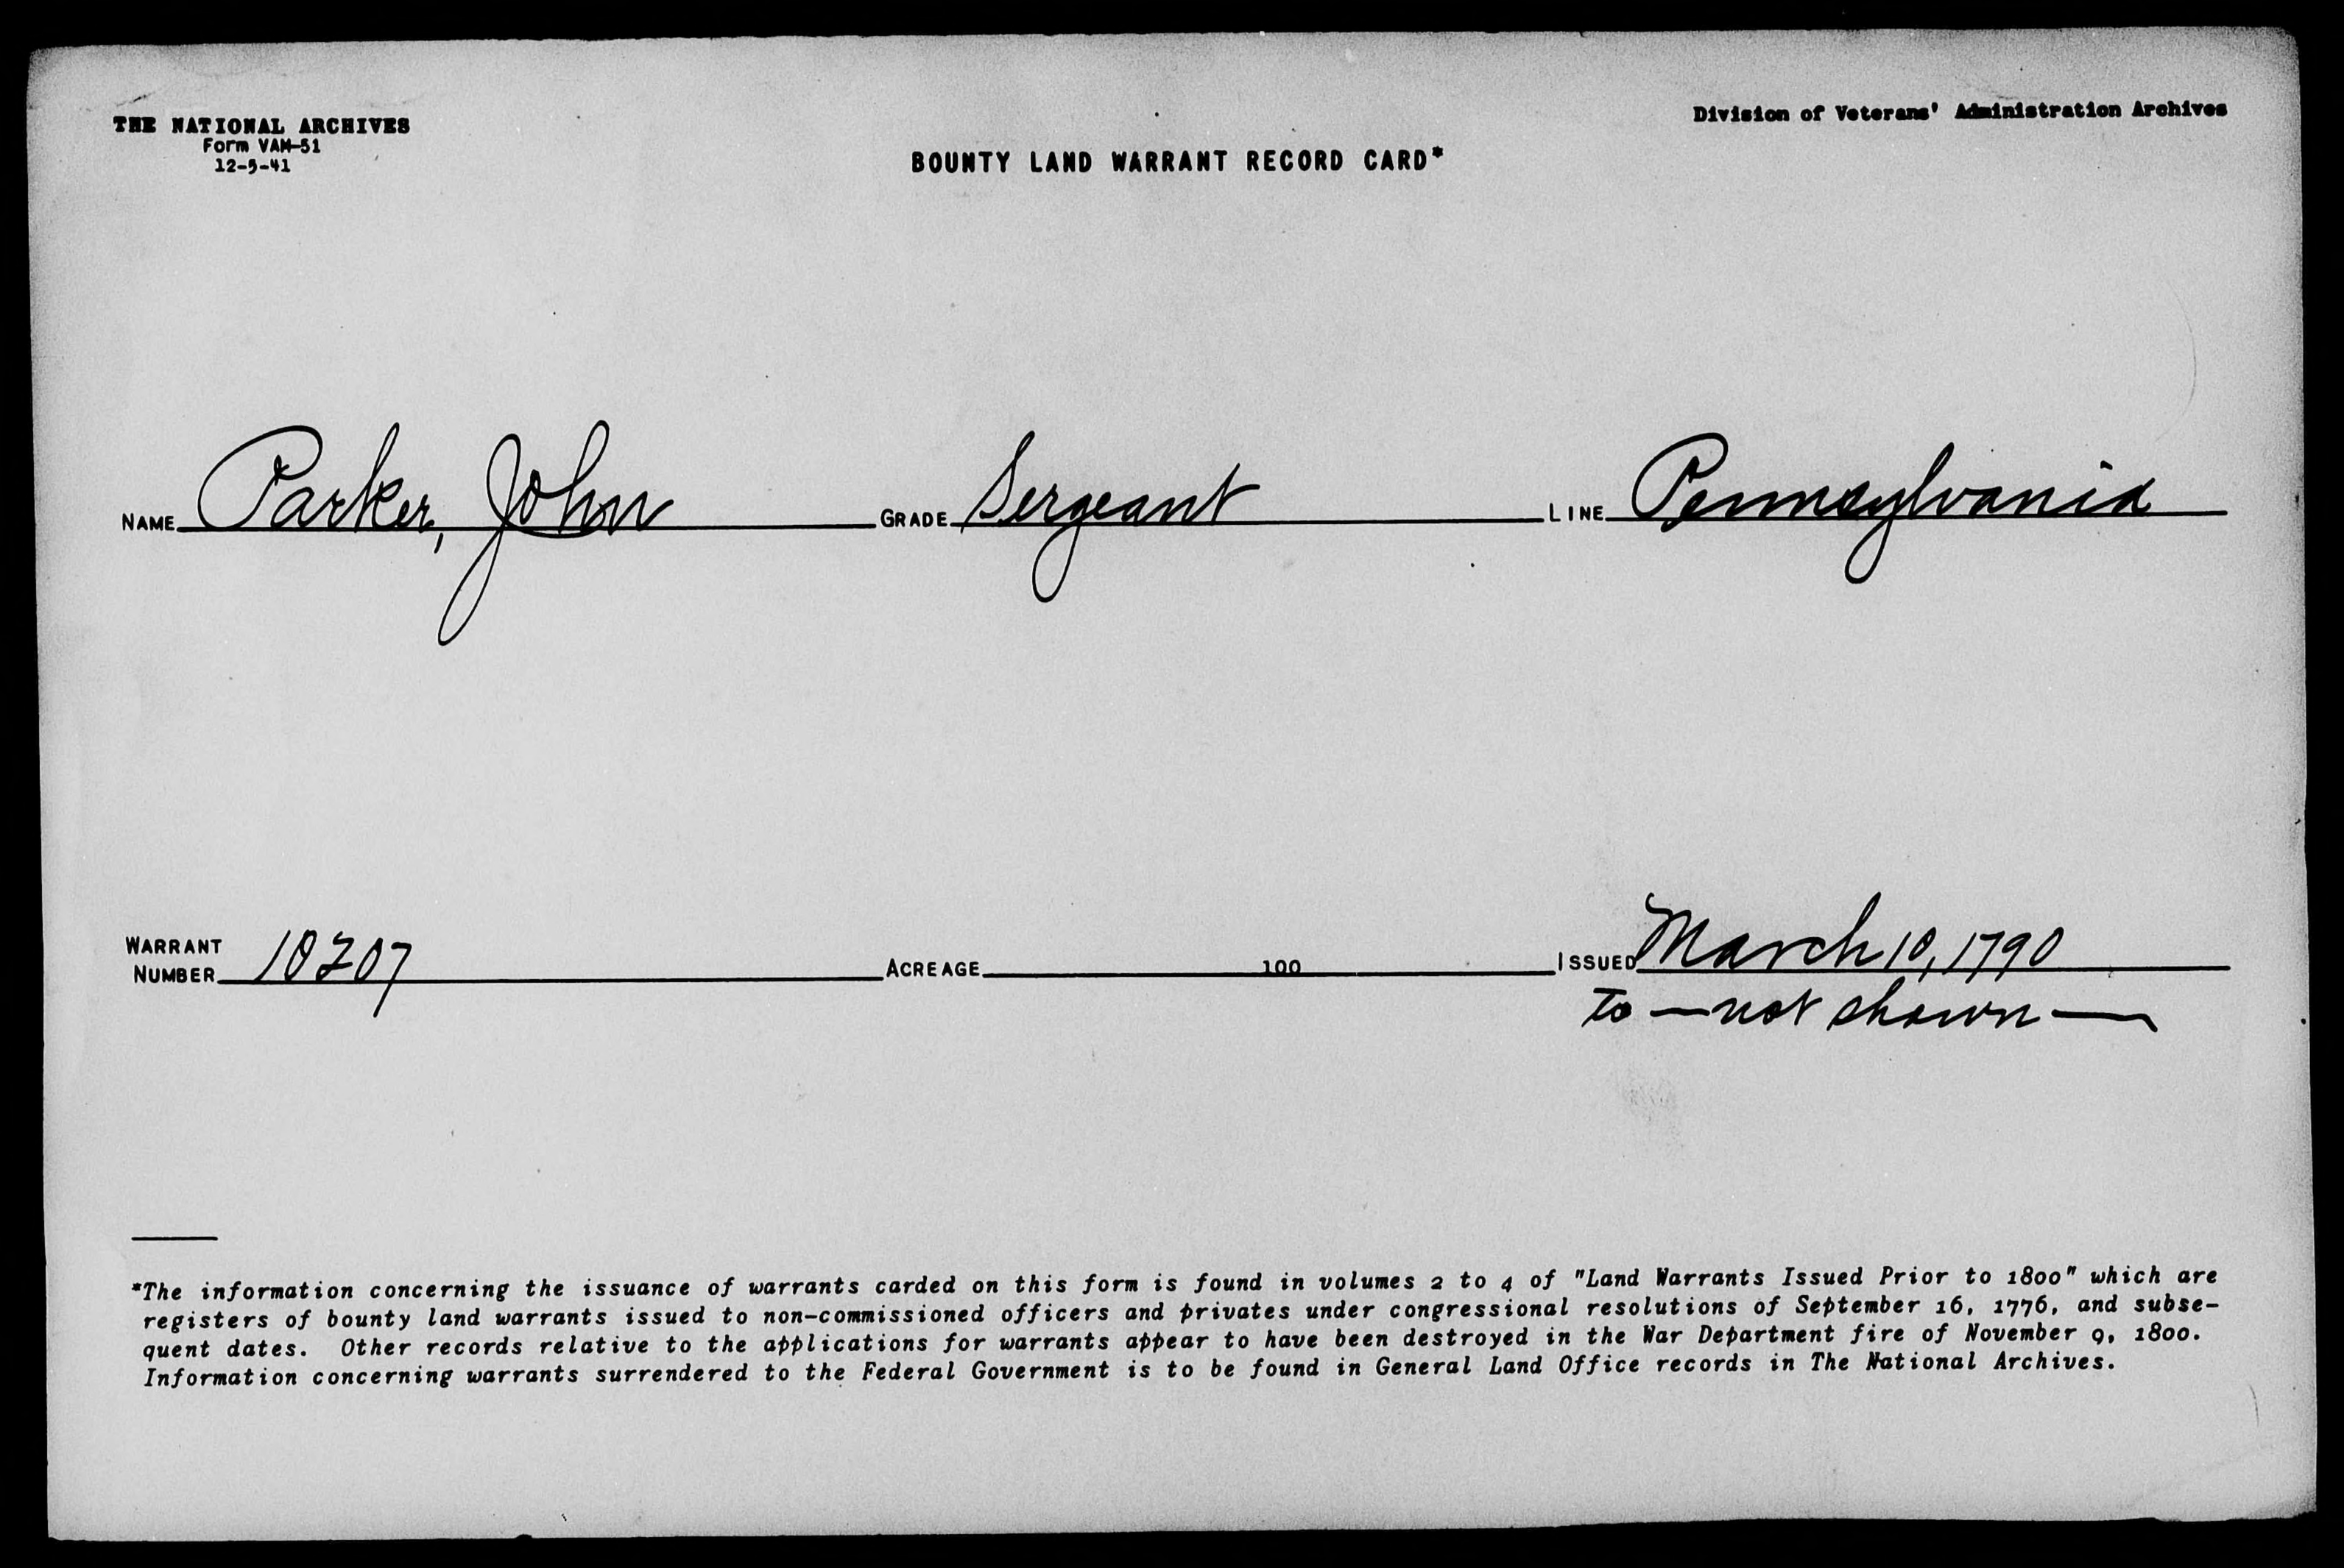THE NATIONAL ARCHIVES
Form VAM-51
12-9-91

BOUNTY LAND WARRANT RECORD CARD*

Division of Veterans* Administration Archives

NAME Parker, John GRADE Sergeant LINE Pennsylvania

WARRANT NUMBER 10207 ACREAGE 100 ISSUED March 10, 1790 to ---not shown---

*The information concerning the issuance of warrants carded on this form is found in volumes 2 to 4 of "Land Warrants Issued Prior to 1800" which are registers of bounty land warrants issued to non-commissioned officers and privates under congressional resolutions of September 16, 1776, and subsequent dates. Other records relative to the applications for warrants appear to have been destroyed in the War Department fire of November 9, 1800. Information concerning warrants surrendered to the Federal Government is to be found in General Land Office records in The National Archives.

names: John Parker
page: 21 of 21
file: Old War Inv. File 26332, for John Parker, Other